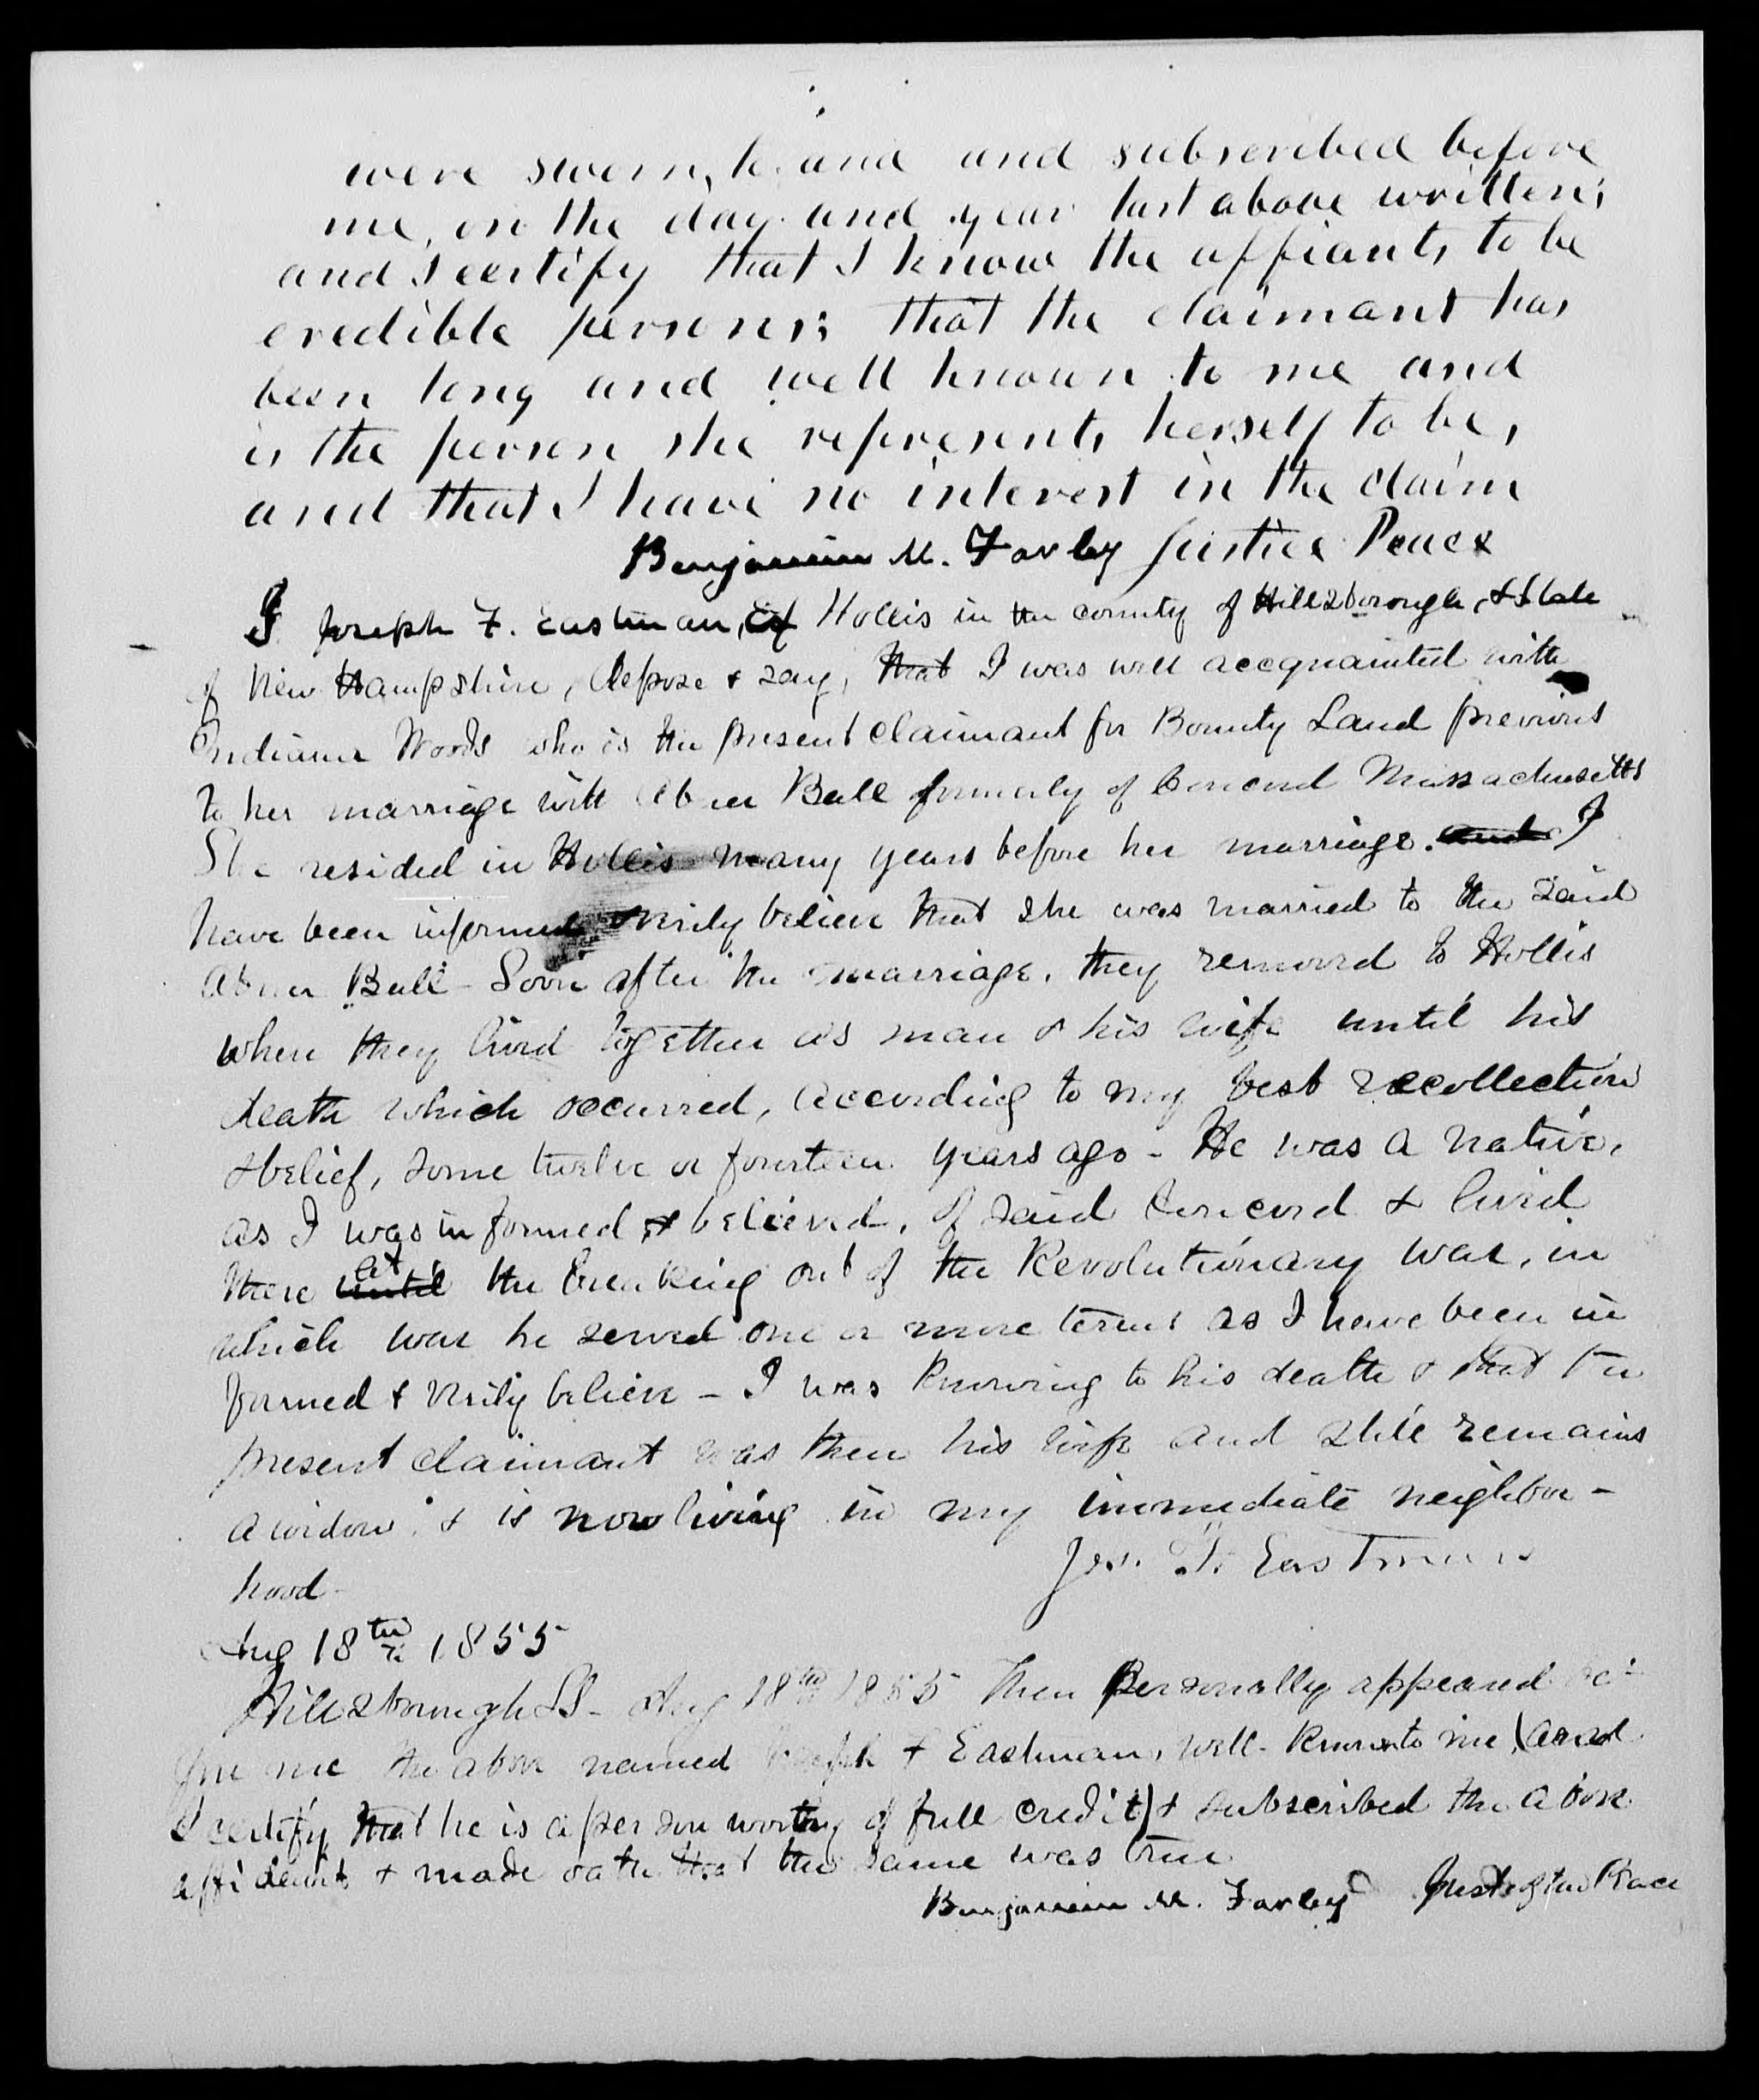were sworn to and and subscribed before 
me, on the day and year that above written;
and I certify that I know the applicant to be 
credible persons; that the claimant has
been long and well known to me and
is the person she represents herself to be,
and that I have no interest in the claim.
Benjamin M. Farley Justice Peace
I Joseph F. Eastman, of Hollis in the county of Hillsborough, & state 
of New Hampshire, repose & say, that I was well acquainted with
Indiana Woods who is the present claimant for Bounty Land previous
to her marriage with Abner Ball formerly of Concord Massachusetts
She resided in Hollis many years before her marriage. I 
have been infor believe that she was married to the said
Abner Ball - Soon after her marriage they removed to Hollis 
where they lived together as man & his wife until his
death which occurred, according to my best recollection
& belief, some twelve or fourteen years ago - He was a native
as I was informed & believed, of said Concord & lived 
there at the breaking out of the Revolutionary war, in
which war he served one or more terms as I have been  in
formed & verily believe - I was knowing to his death & that his 
present claimant was there his wife and she remains
a widow & is now living in my immediate neighbor-
hood. Jos. F. Eastman
Aug 18th 1855
Hillsborough SS - Aug 18th 1855 personnely appeared 
me the above named Joseph F Eastman, well-known me (and I 
certify that he is a person worthy of full credit) I subscribed the above 
affidavit & made oath that the same was true.
Benjamin M. Farley Justice of the Peace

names: Joseph F Eastman, Benjamin M Farley, Indiana Woods, Benjamin M Farley, Abner Ball, Joseph F Eastman, Jos F Eastman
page: 5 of 16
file: B. L. Wt, 36670-160-55, Abner Ball, Mass.